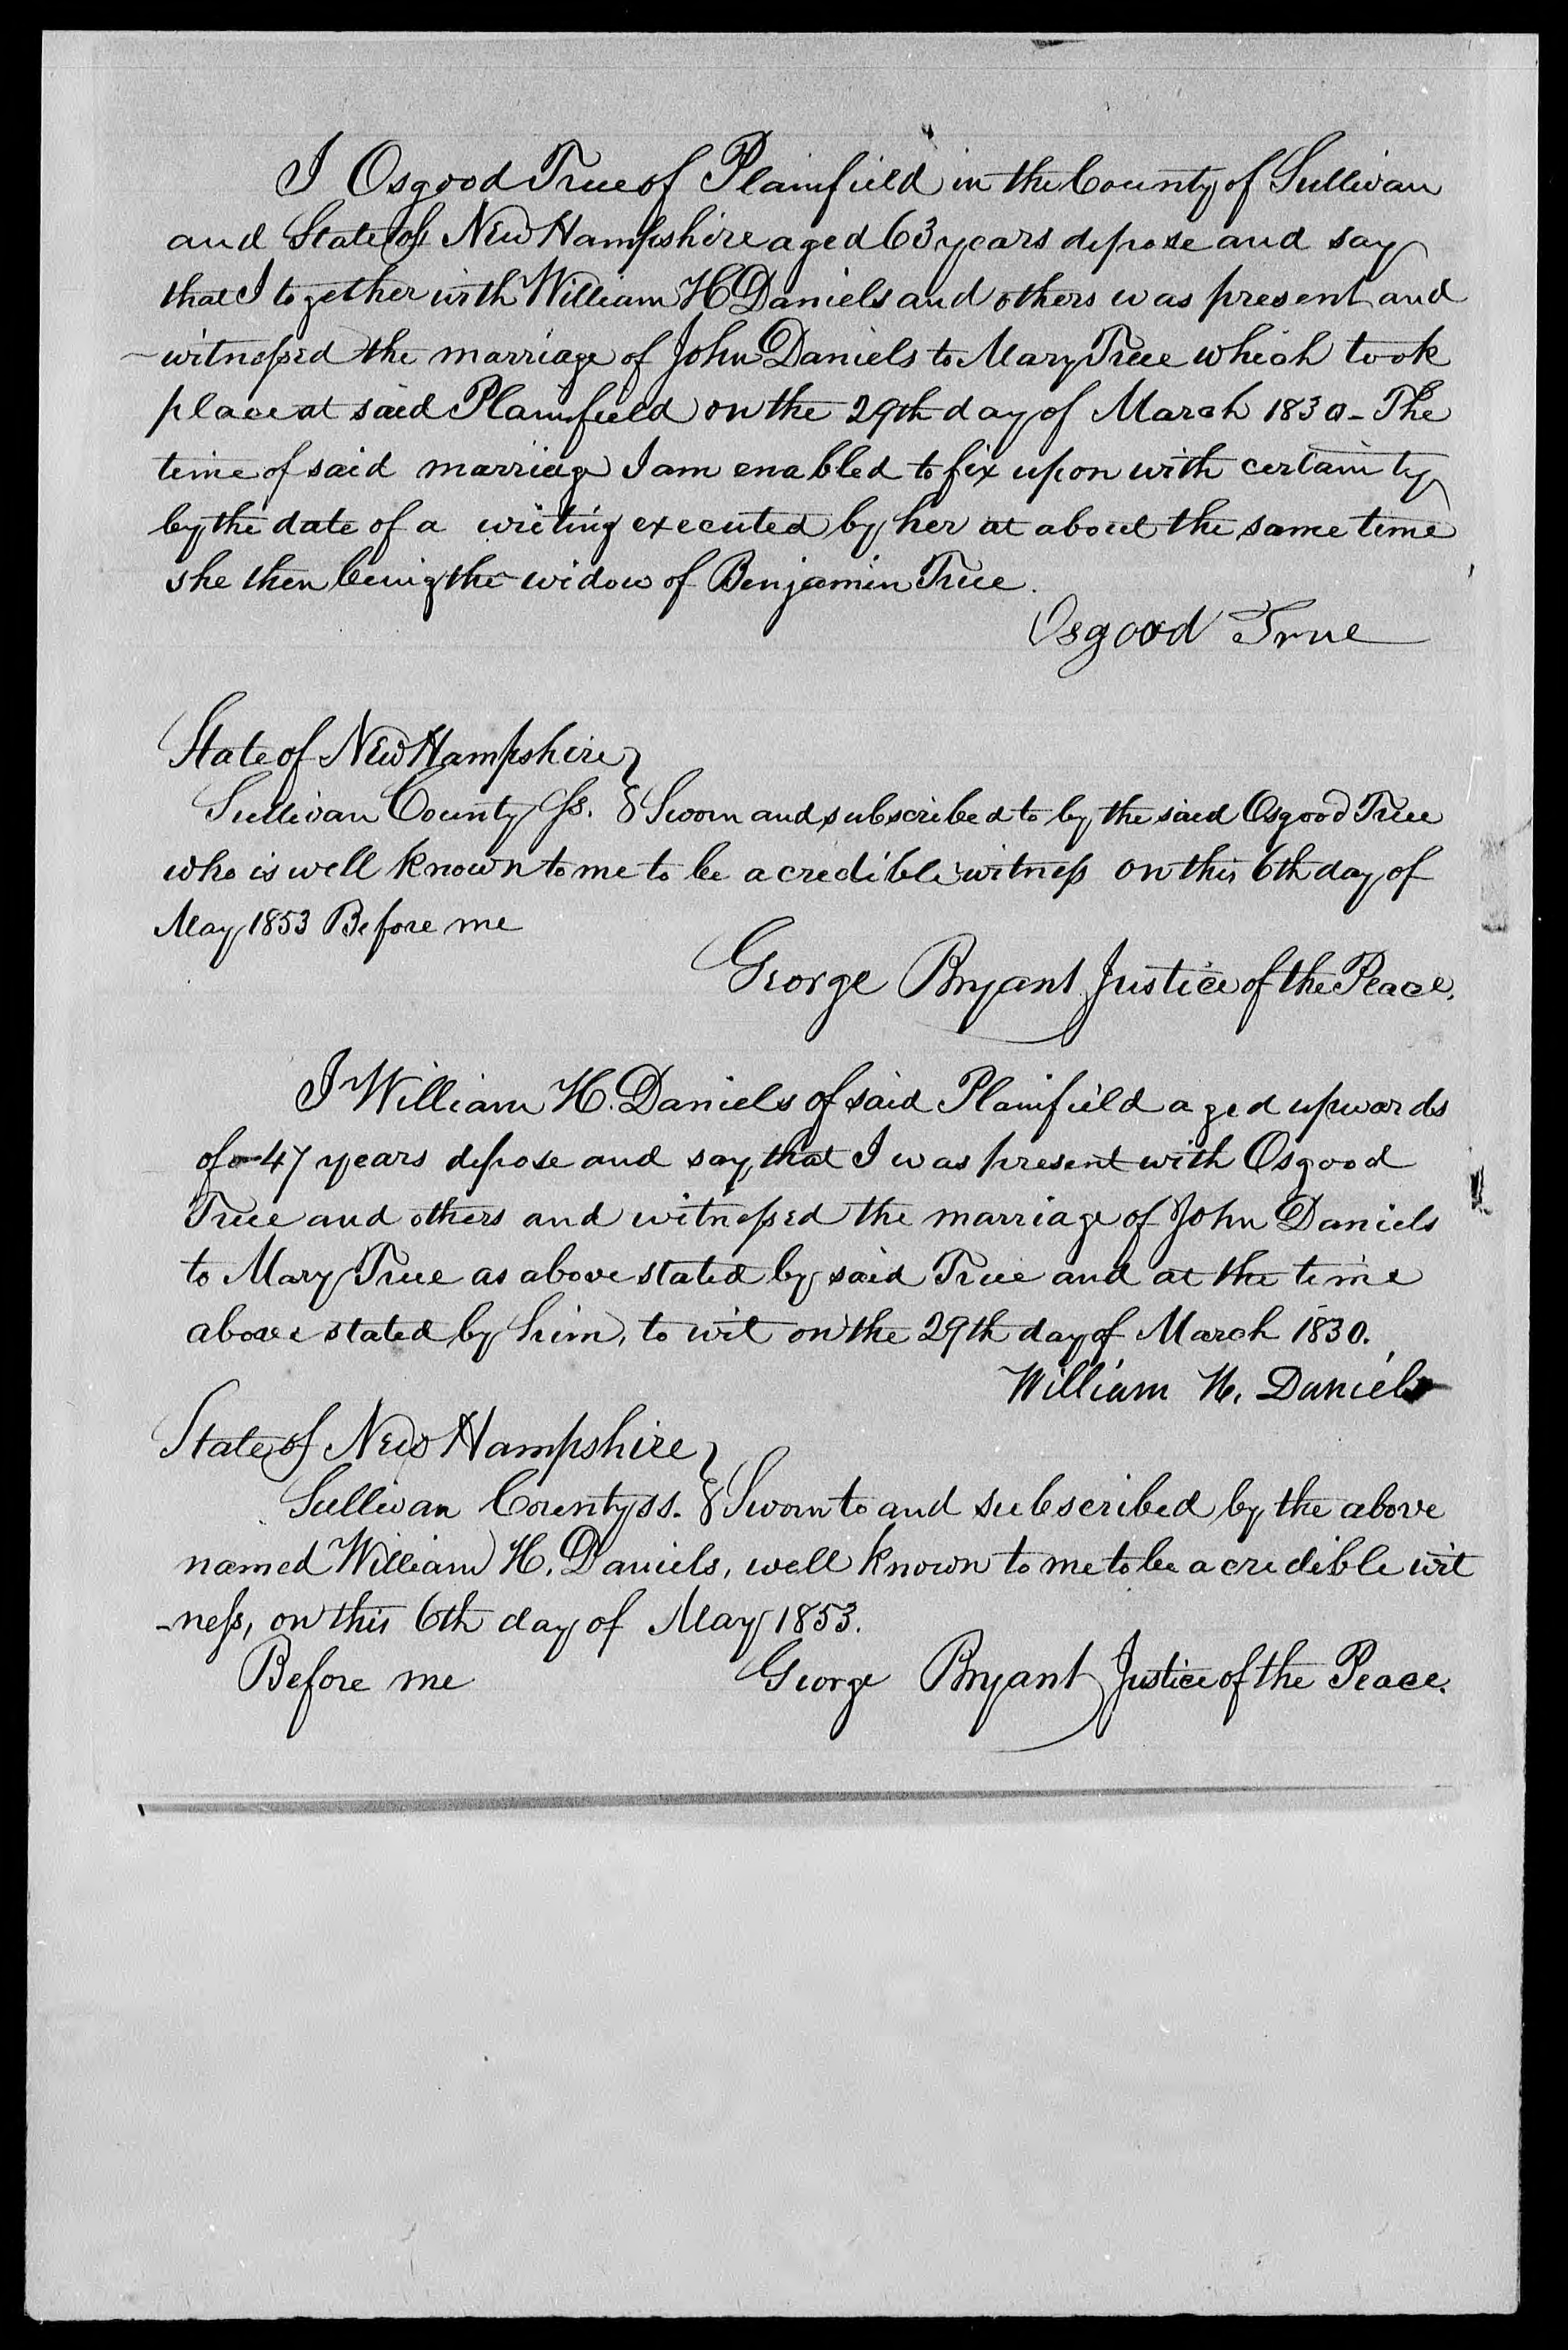I Osgood True of Plainfield in the County of Sullivan
and State of New Hampshire aged 63 years depose and say
that I together with William H Daniels and others was present and
witnessed the marriage of John Daniels to Mary True which took
place at said Plainfield on the 29th day of March 1830. The
time of said marriage I am enabled to fix upon with certainty
by the date of a writing executed by her at about the same time
she then being the widow of Benjamin True.
Osgood True

State of New Hampshire
Sullivan County ss ⎬ Sworn and subscribed to by the said Osgood True
who is well known to me to be a credible witness on this 6th day of
May 1853 Before me
George Bryant Justice of the Peace

I William H. Daniels of said Plainfield aged upwards
of 47 years depose and say that I was present with Osgood
True and others and witnessed the marriage of John Daniels
to Mary True as above stated by said True and at the time
above stated by him, to wit on the 29th day of March 1830.
State of New Hampshire
William H. Daniels

State of New Hampshire
Sullivan County Ss. Sworn to and subscribed by the above
named William H. Daniels, well known to me to be a credible witness
on this 6th day of May 1853.
Before me
George Bryant Justice of the Peace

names: George Bryant, George Bryant, Osgood True, Osgood True, John Daniels, Benjamin True, John Daniels, William H Daniels, William H Daniels, Mary True, Mary True, True, Osgood True, William H Daniels, Osgood True, William H Daniels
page: 13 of 43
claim: widow's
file: W 683, John Daniels, Continental Mass. N.H.